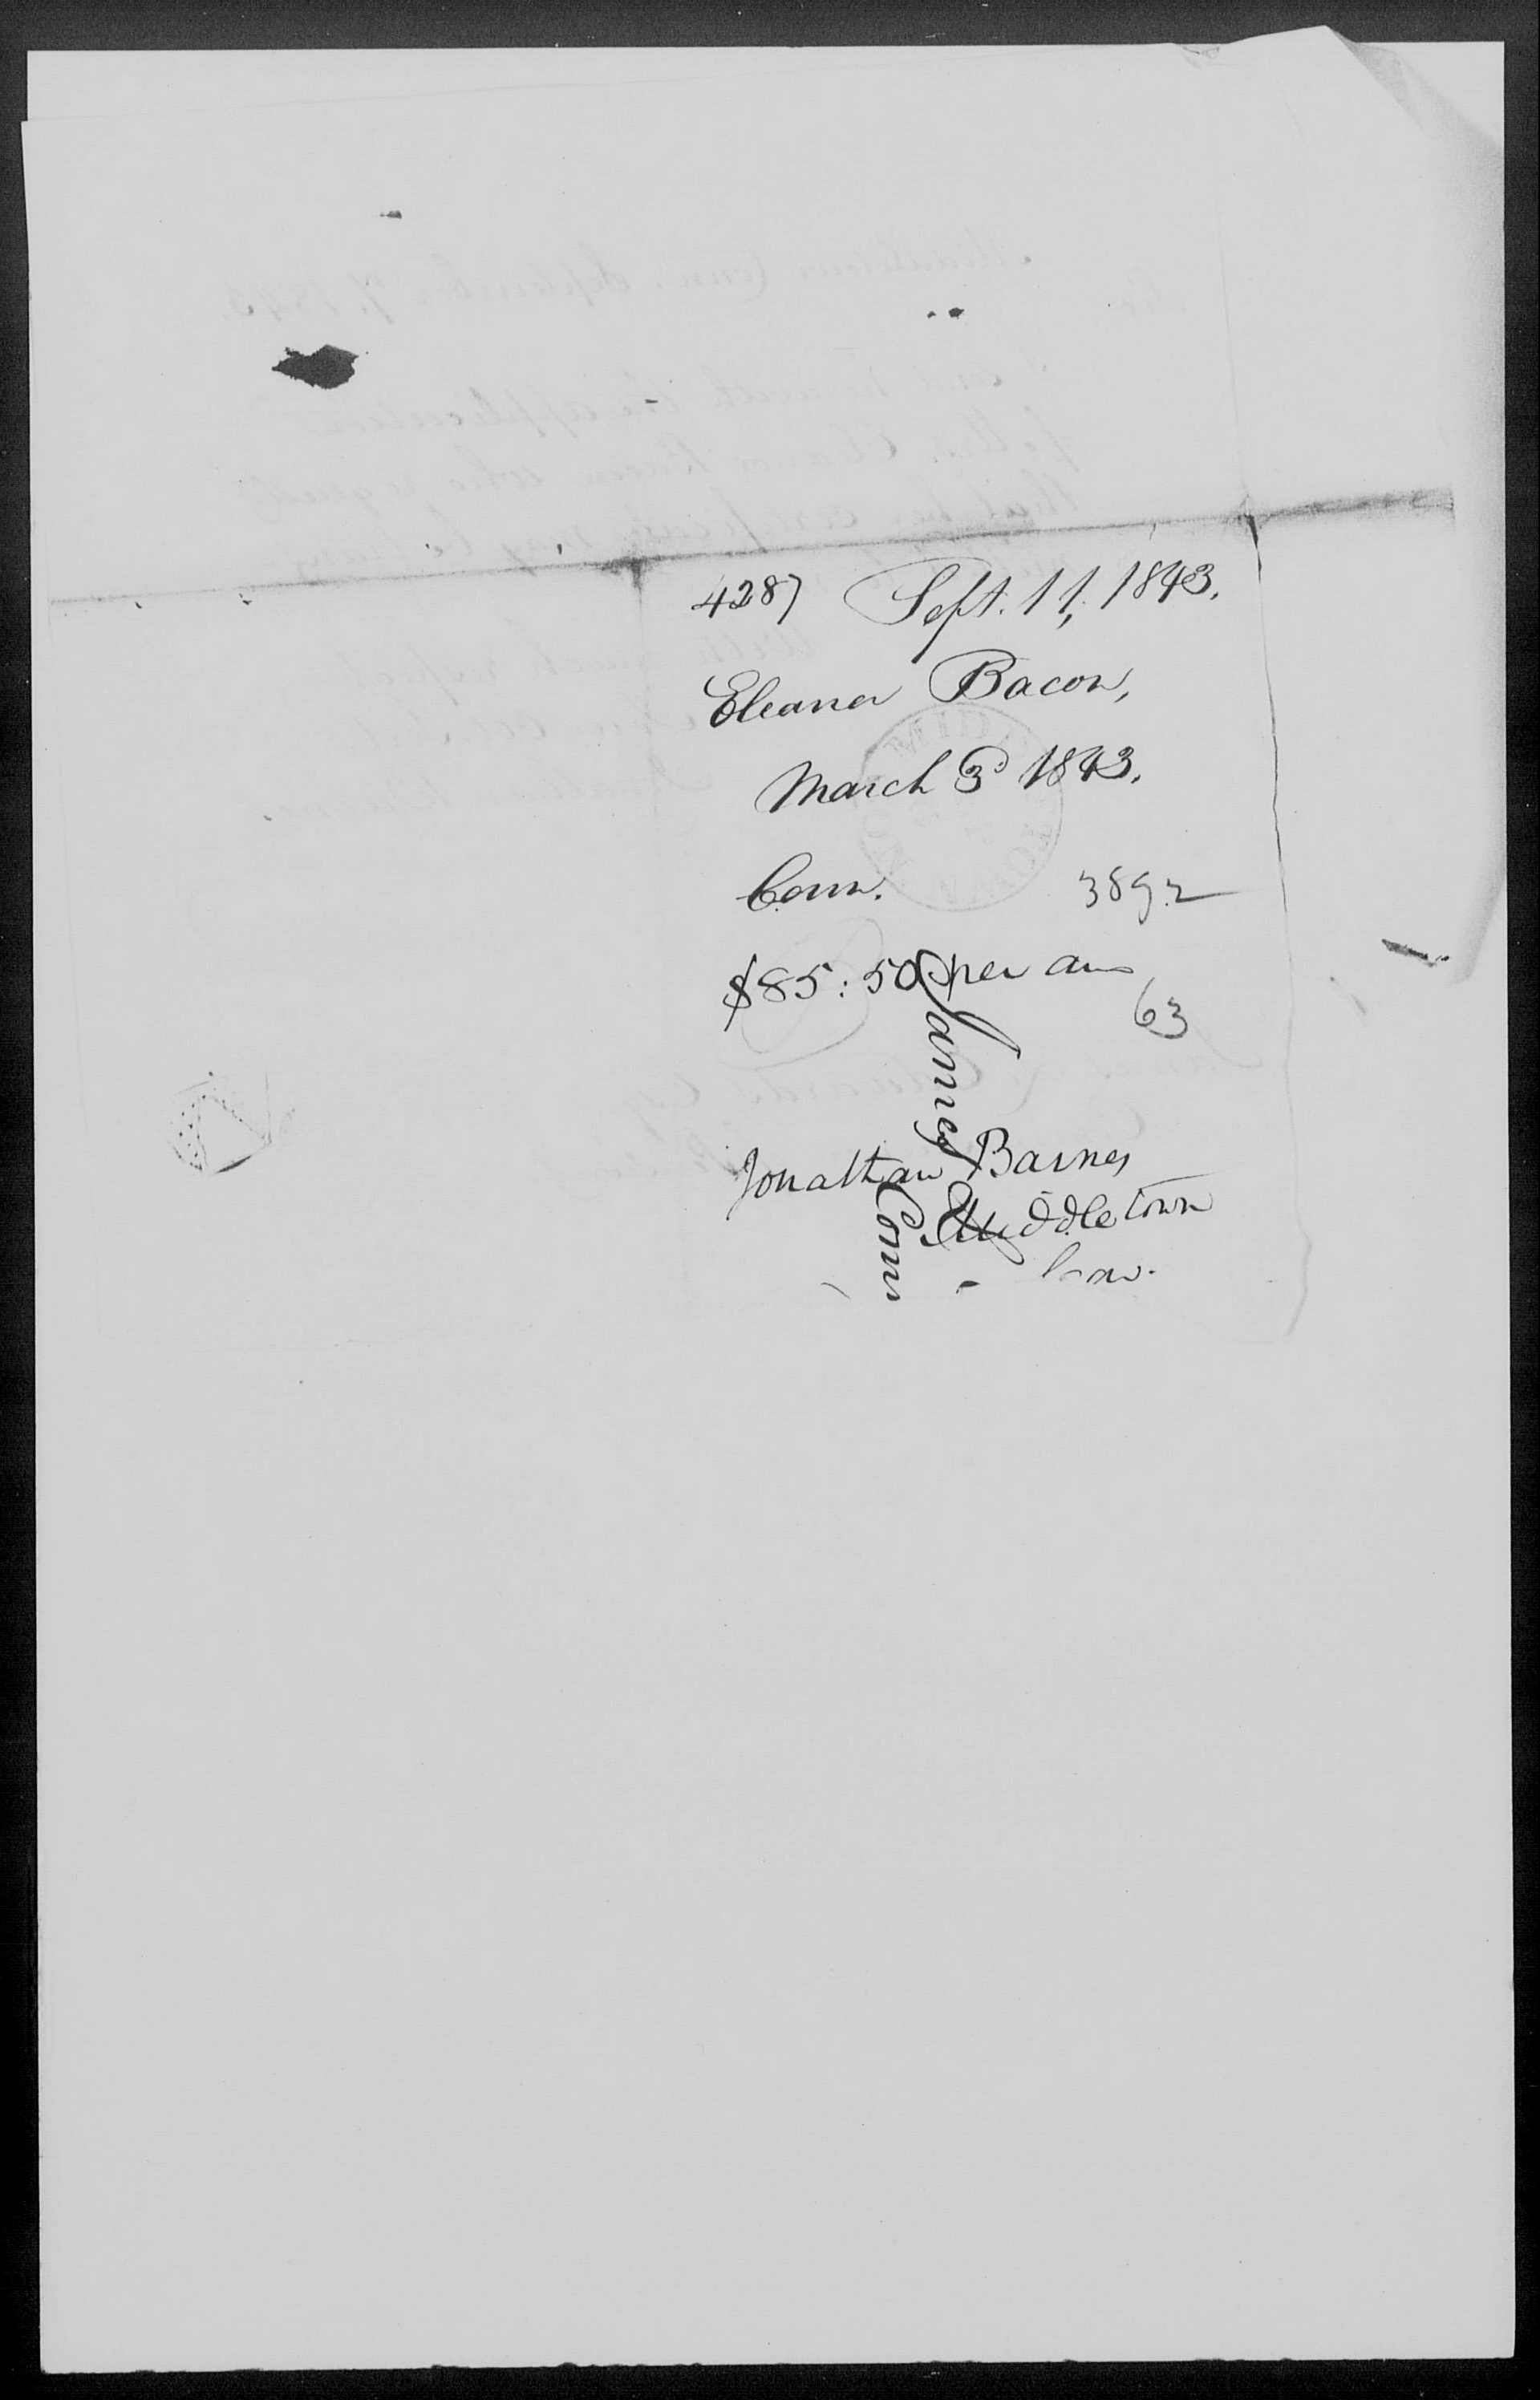4287 Sept. 11, 1843
Eleanor Bacon,
March 3, 1843.
Connecticut
3892
$85:50 per annum
63
Jonathan Barnes
Middletown, 
Connecticut

(Written Vertically)

James L. (Edwards)
Comm(issoner of Pensions)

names: Eleanor Bacon, Jonathan Barnes, James L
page: 15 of 24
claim: widow's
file: W. 25190, Joseph Bacon, Continental (Conn)